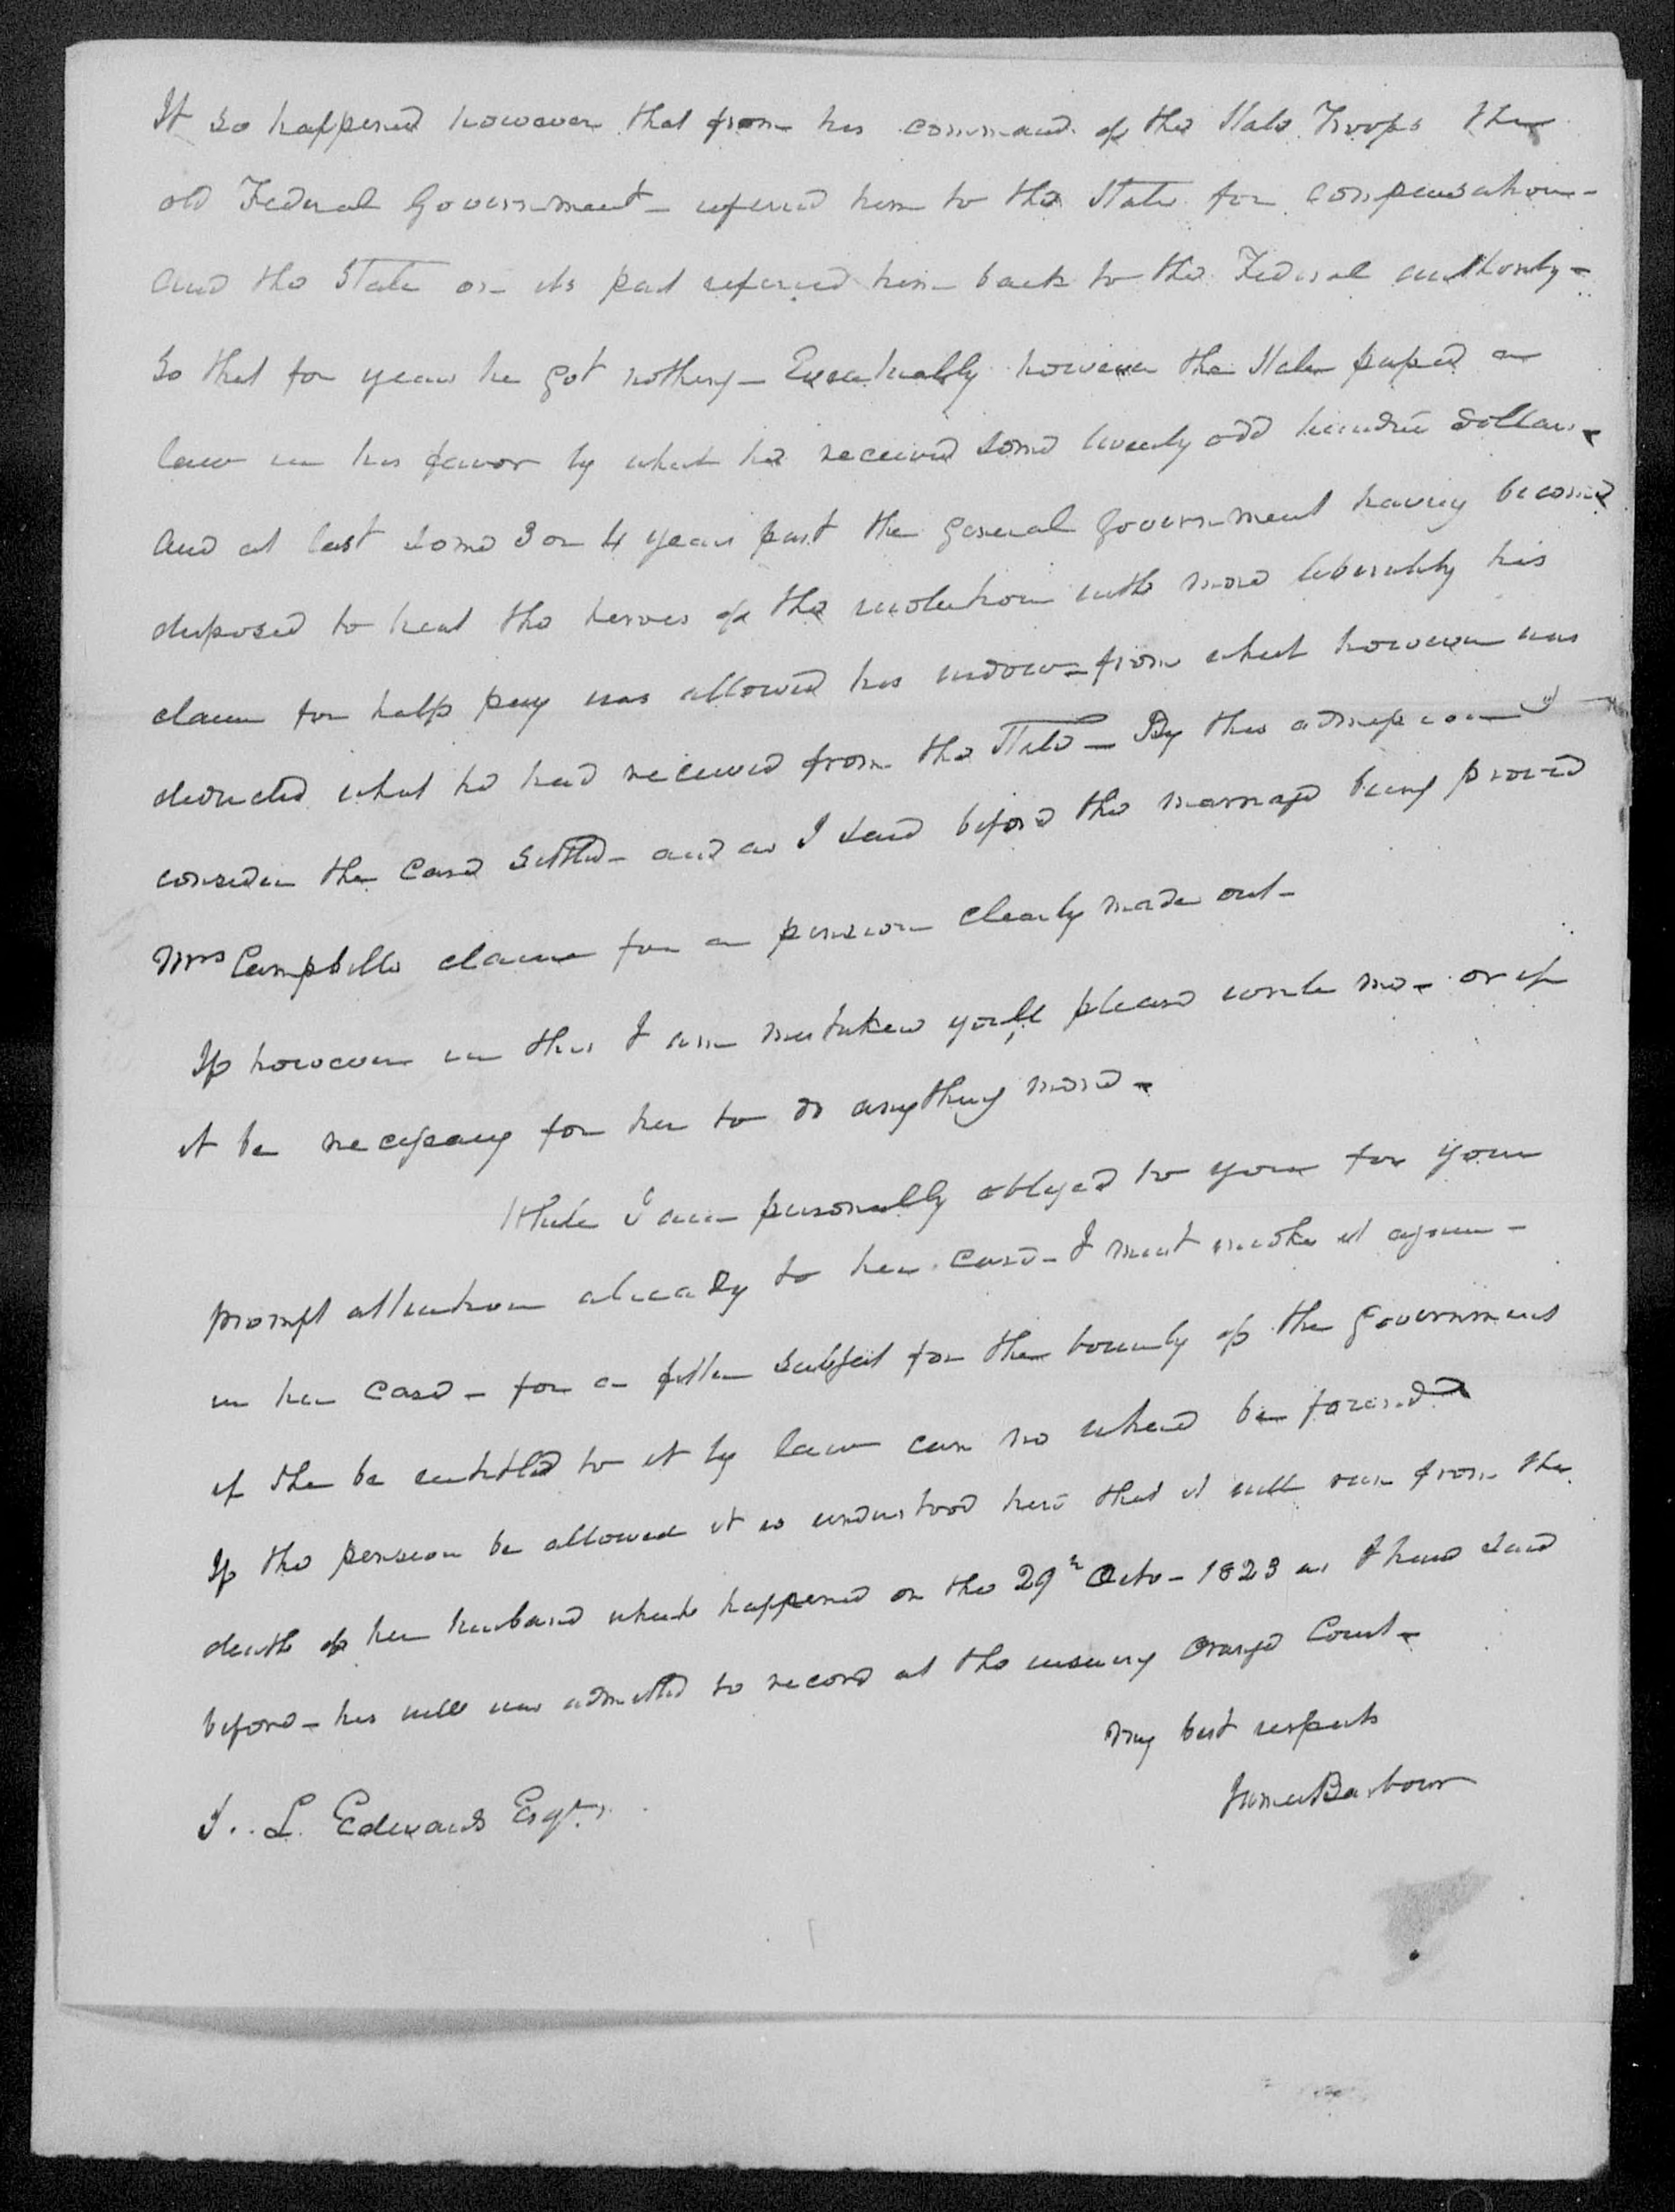It so happened however that from his command of the Nats troops the old Federal Government referred him to the State for compensation and the state on its part referred him back to the Federal authority - so that for years he got nothing.  Eventually however the state passed a law in his favor by which he received some twenty odd [illegible] dollars.  And at last some 3 or 4 years past the federal government having become disposed to heal the heroes of the revolution with more  [illegible]  his claim for half pay was allowed  his widow from which however was deducted what he had received from the state - by this [illegible] I consider the case settled and as I said before the marriage being proven Mrs. Campbell's claim for a pension clearly made out.
If however in this I am mistaken you'll please write me or if it be necessary for her to do anything more.
[illegible] I am personally obliged to you for your prompt attention already to her case.  I must [illegible] in her case  -  for a fitter subject for the bounty of the government if she be entitled to it by law can no where be found.  If the pension be allowed it is understood here that it will own from the death of her husband which happened on the 29th Octr. 1823 as I have said before.  His will was admitted to record at the [illegible] Orange County.
My best respects
James Barbour

J.L. Edwards Esqr.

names: James Barbour, J L Edwards, Campbells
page: 194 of 267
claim: widow's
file: W. 4,149, William Campbell, Va.